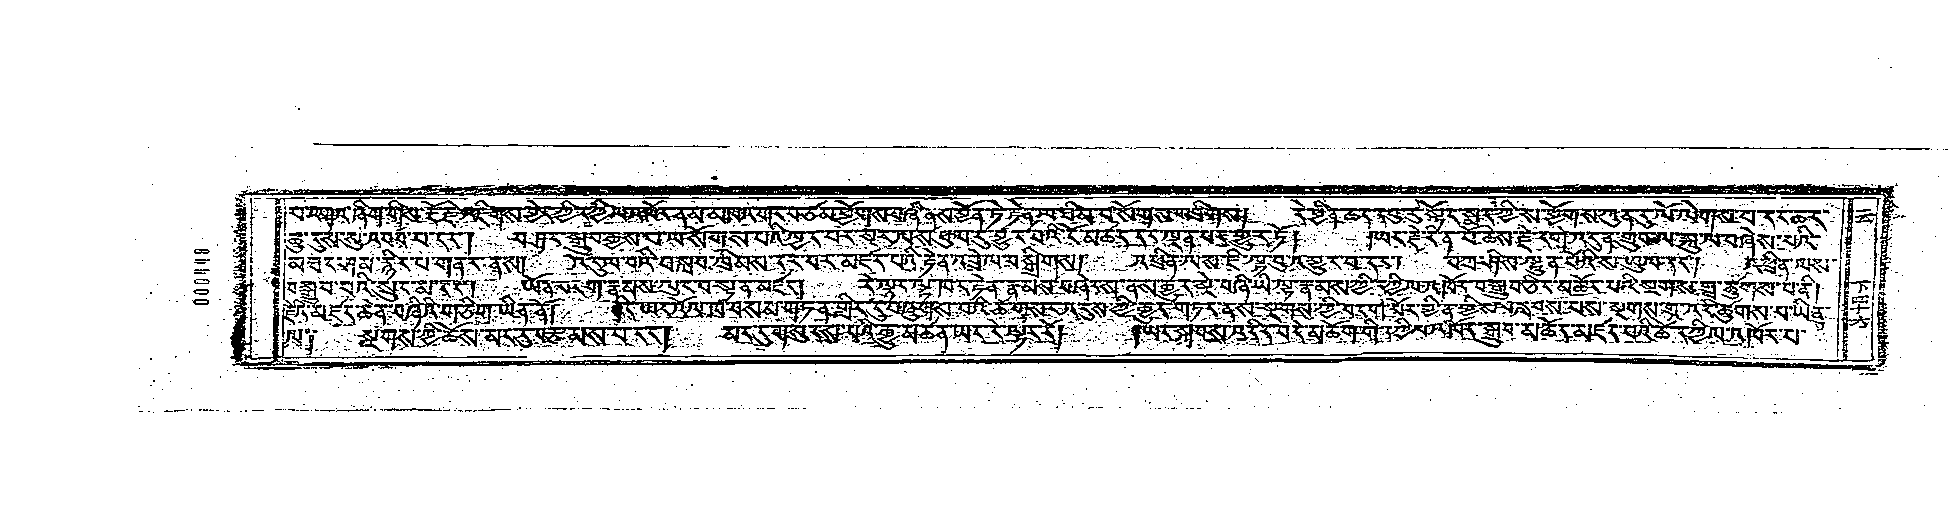པ་འགའ་ཞིག་གིས་རྡོ་རྗེ་འཇིགས་བྱེད་ཀྱི་དཀྱིལ་འཁོར་ནམ་མཁའ་གང་བ་ཙམ་ཕྱོགས་བཞི་ནས་བྱོན་ཏེ་རྟེན་ལ་ཐིམ་པ་སོགས་གཟིགས། དེ་ཕྱིན་ཆད་དབུ་རུ་སྟོད་སྨད་ཀྱི་ས་ཕྱོགས་ཀུན་དུ་ལོ་ལེགས་པ་དང་ཆར་
ཆུ་དུས་སུ་འབབ་པ་དང་། བཤད་སྒྲུབ་རྒྱས་པ་ལ་སོགས་པའི་ཁྱད་པར་སྔར་ལས་ཕུལ་དུ་བྱུང་བའི་ངོ་མཚར་དང་ལྡན་པར་གྱུར་ཏོ། །ཡང་རྗེ་རིན་པོ་ཆེས་རྗེ་དགེ་འདུན་གྲུབ་ལ་སྐུ་ལ་བཞེས་པའི་
མཐང་ཤམ་རྙིང་པ་གནང་ནས། འདུལ་བའི་བསླབ་ཁྲིམས་དར་བར་མཛད་པའི་རྟེན་འབྲེལ་བསྒྲིགས། འཕྲིན་ལས་ཇི་ལྟ་བུ་འབྱུང་བ་དང་། བཀྲ་ཤིས་ལྷུན་པོའི་ས་ཡུལ་དང་། འཕྲིན་ལས་
བསྒྲུབ་པའི་སྲུང་མ་དང་། ཡོན་བདག་རྣམས་ལུང་བསྟན་མཛད། དེ་ལྟར་ལྷ་ཁང་རྟེན་རྣམས་བཞེངས་ནས་རྒྱུད་སྡེ་བཞི་ཡི་ལྷ་རྣམས་ཀྱི་དཀྱིལ་འཁོར་བསྒྲུབ་ཅིང་མཆོད་པའི་སྔགས་གྲྭ་ཚུགས་པ་ནི།
རྗེའི་མཛད་ཆེན་བཞིའི་གཅིག་ཡིན་ནོ། །དེ་ཡང་འོལ་ཁ་བསམ་གཏན་གླིང་དུ་བཞུགས་པའི་ཚེ་གསང་འདུས་ཀྱི་རྒྱུད་གཏང་ནས་སྔགས་ཀྱི་བདག་པོར་བྱིན་གྱིས་བརླབས་པས་སྔགས་གྲྭ་འདི་ཚུགས་པ་ཡིན་
ལ༑ སྔགས་ཀྱི་ཆོས་མང་དུ་བརྩམས་པ་དང་། མང་དུ་གསུངས་པའི་རྒྱུ་མཚན་ཡང་དེ་ལྟར་རོ། །ཡང་སྐབས་འདིར་བདེ་མཆོག་གི་དཀྱིལ་འཁོར་སྒྲུབ་མཆོད་མཛད་པའི་ཚེ་དཀྱིལ་འཁོར་པ་